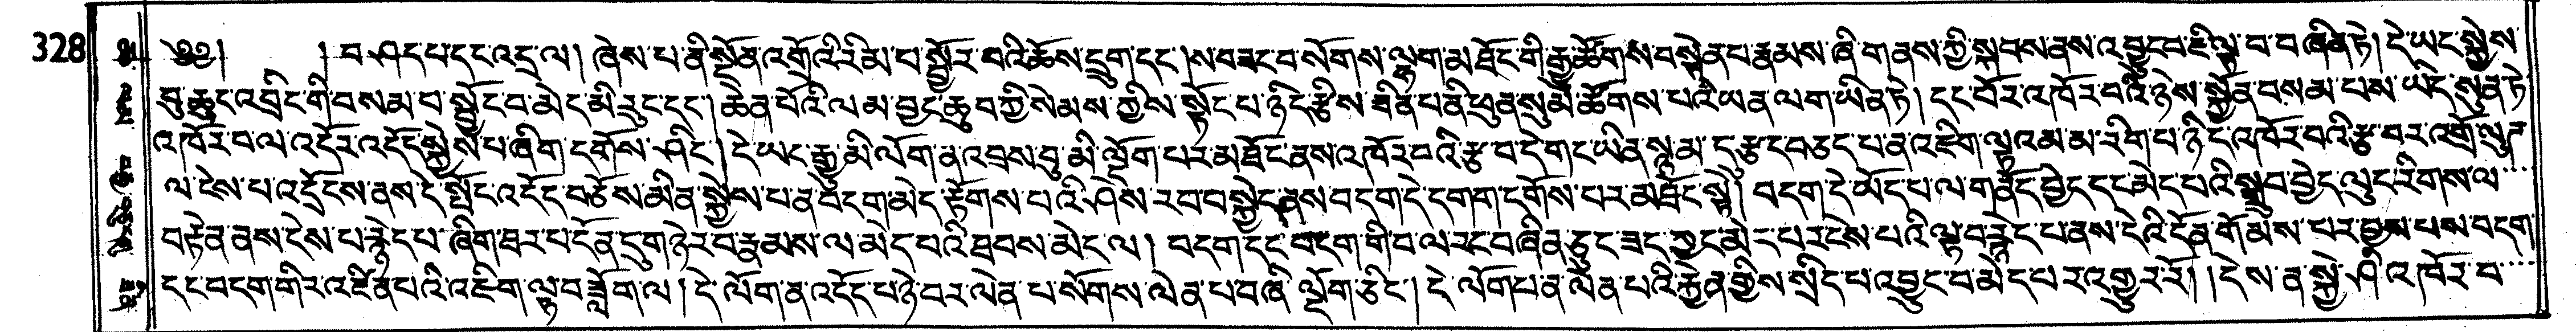༄༅། །བཤད་པ་དང་འདྲ་ལ། ཞེས་པ་ནི་སྔོན་འགྲོའི་རིམ་པ་སྦྱོར་བའི་ཆོས་དྲུག་དང་། ས་བཟང་བ་སོགས་ལྷག་མཐོང་གི་རྒྱུ་ཚོགས་བསྟེན་པ་རྣམས་ཞི་གནས་ཀྱི་སྐབས་ནས་འབྱུང་བ་ཇི་ལྟ་བ་བཞིན་ཏེ། དེ་ཡང་སྐྱེས་
བུ་ཆུང་འབྲིང་གི་བསམ་པ་སྦྱོང་བ་མེད་མི་རུང་དང་། ཆེན་པོའི་ལམ་བྱང་ཆུབ་ཀྱི་སེམས་ཀྱིས་སྟོང་པ་ཉིད་རྩིས་ཟིན་པ་ནི་ཕུན་སུམ་ཚོགས་པའི་ཡན་ལག་ཡིན་ཏེ། དང་པོར་འཁོར་བའི་ཉེས་སྐྱོན་བསམ་པས་ཡིད་སུན་ཏེ་
འཁོར་བ་ལ་འདོར་འདོད་སྐྱེས་པ་ཞིག་དགོས་ཤིང་། དེ་ཡང་རྒྱུ་མི་ལོག་ན་འབྲས་བུ་མི་ལྡོག་པར་མཐོང་ནས་འཁོར་བའི་རྩ་བ་དེ་གང་ཡིན་སྙམ་དུ་རྩད་བཅད་པ་ན་འཇིག་ལྟའམ་མ་རིག་པ་ཉིད་འཁོར་བའི་རྩ་བར་འགྲོ་ལུགས་
ལ་ངེས་པ་འདྲོངས་ནས་དེ་སྤོང་འདོད་བཅོས་མིན་སྐྱེས་པ་ན་བདག་མེད་རྟོགས་པའི་ཤེས་རབ་བསྐྱེད་ནས་བདག་དེ་དགག་དགོས་པར་མཐོང་སྟེ། བདག་དེ་ཡོད་པ་ལ་གནོད་བྱེད་དང་མེད་པའི་སྒྲུབ་བྱེད་ལུང་རིགས་ལ་
བརྟེན་ནས་ངེས་པ་རྙེད་པ་ཞིག་ཐར་པ་དོན་དུ་གཉེར་བ་རྣམས་ལ་མེད་པའི་ཐབས་མེད་ལ། བདག་དང་བདག་གི་བ་ལ་རང་བཞིན་ཅུང་ཟད་ཀྱང་མེད་པར་ངེས་པའི་ལྟ་བ་རྙེད་པ་ནས་དེའི་དོན་གོམས་པར་བྱས་པས་བདག་
དང་བདག་གིར་འཛིན་པའི་འཇིག་ལྟ་བཟློག་ལ། དེ་ལོག་ན་འདོད་པ་ཉེ་བར་ལེན་པ་སོགས་ལེན་པ་བཞི་ལྡོག་ཅིང་། དེ་ལོག་པ་ན་ལེན་པའི་རྐྱེན་གྱིས་སྲིད་པ་འབྱུང་བ་མེད་པར་འགྱུར་རོ། །དེས་ན་སྐྱེ་ཤི་འཁོར་བ་